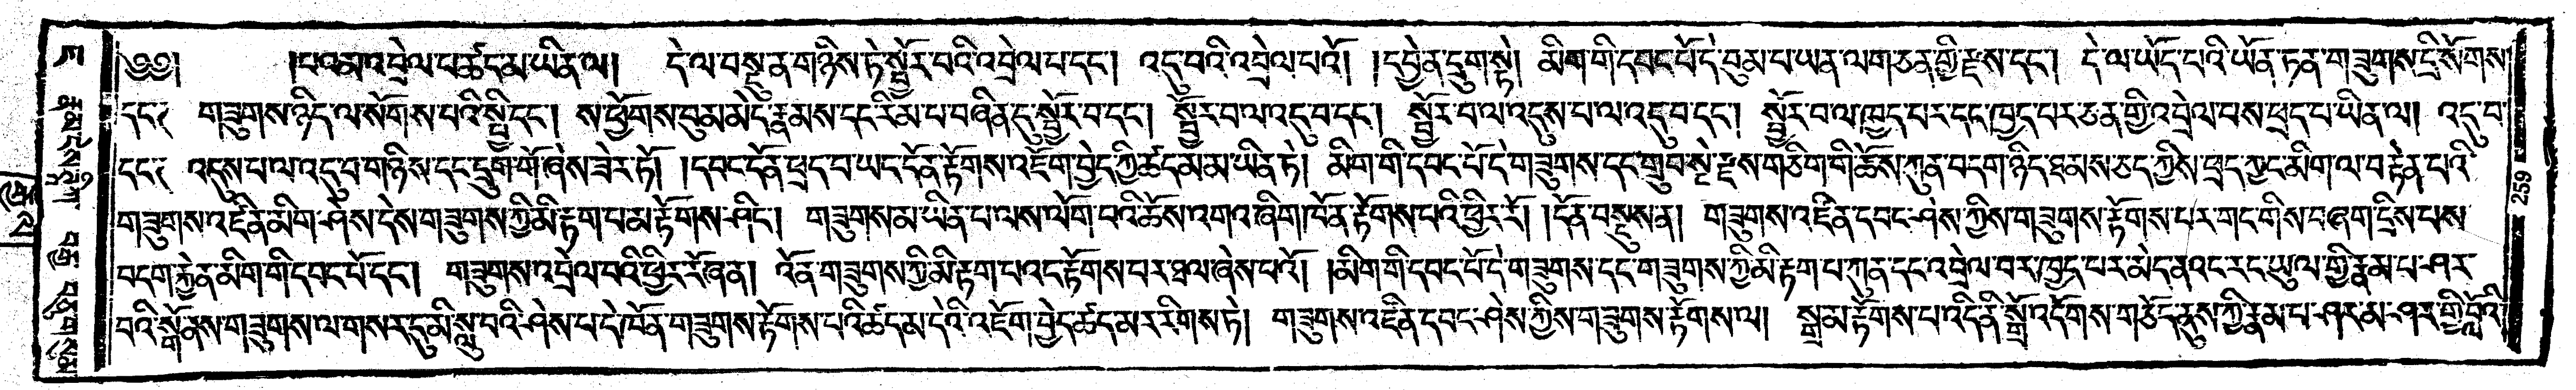༄༅། །པའམ་འབྲེལ་པ་ཚད་མ་ཡིན་ལ། དེ་ལ་བསྡུ་ན་གཉིས་ཏེ་སྦྱོར་བའི་འབྲེལ་པ་དང་། འདུ་བའི་འབྲེལ་པའོ། །དབྱེ་ན་དྲུག་སྟེ། མིག་གི་དབང་པོ་དེ་བུམ་པ་ཡན་ལག་ཅན་གྱི་རྫས་དང་། དེ་ལ་ཡོད་པའི་ཡོན་ཏན་གཟུགས་དྲི་སོགས་
དང་། གཟུགས་ཉིད་ལ་སོགས་པའི་སྤྱི་དང་། ས་ཕྱོགས་བུམ་མེད་རྣམས་དང་རིམ་པ་བཞིན་དུ་སྦྱོར་བ་དང་། སྦྱོར་བ་ལ་འདུ་བ་དང་། སྦྱོར་བ་ལ་འདུས་པ་ལ་འདུ་བ་དང་། སྦྱོར་བ་ལ་ཁྱད་པར་དང་ཁྱད་པར་ཅན་གྱི་འབྲེལ་པས་ཕྲད་པ་ཡིན་ལ། འདུ་བ་
དང་། འདུས་པ་ལ་འདུ་བ་གཉིས་དང་དྲུག་གོ་ཞེས་ཟེར་ཏོ། །དབང་དོན་ཕྲད་པ་ཡང་དོན་རྟོགས་འཇོག་བྱེད་ཀྱི་ཚད་མ་མ་ཡིན་ཏེ། མིག་གི་དབང་པོ་དེ་གཟུགས་དང་གྲུབ་སྡེ་རྫས་གཅིག་གི་ཆོས་ཀུན་བདག་ཉིད་ཐམས་ཅད་ཀྱིས་ཕྲད་ཀྱང་མིག་ལ་བརྟེན་པའི་
གཟུགས་འཛིན་མིག་ཤེས་དེས་གཟུགས་ཀྱི་མི་རྟག་པ་མ་རྟོགས་ཤིང་། གཟུགས་མ་ཡིན་པ་ལས་ལོག་པའི་ཆོས་འགའ་ཞིག་ཁོ་ན་རྟོགས་པའི་ཕྱིར་རོ། །དོན་བསྡུས་ན། གཟུགས་འཛིན་དབང་ཤེས་ཀྱིས་གཟུགས་རྟོགས་པར་གང་གིས་བཞག་དྲིས་པས་
བདག་རྐྱེན་མིག་གི་དབང་པོ་དང་། གཟུགས་འབྲེལ་བའི་ཕྱིར་རོ་ཞེ་ན། འོ་ན་གཟུགས་ཀྱི་མི་རྟག་པའང་རྟོགས་པར་ཐལ་ཞེས་པའོ། །མིག་གི་དབང་པོ་དེ་གཟུགས་དང་གཟུགས་ཀྱི་མི་རྟག་པ་ཀུན་དང་འབྲེལ་བར་ཁྱད་པར་མེད་ནའང་རང་ཡུལ་གྱི་རྣམ་པ་ཤར་
བའི་སྒོ་ནས་གཟུགས་ལ་གསར་དུ་མི་སླུ་བའི་ཤེས་པ་དེ་ཁོ་ན་གཟུགས་རྟོགས་པའི་ཚད་མ་དེའི་འཇོག་བྱེད་ཚད་མར་རིགས་ཏེ། གཟུགས་འཛིན་དབང་ཤེས་ཀྱིས་གཟུགས་རྟོགས་ལ། སྒྲ་མ་རྟོགས་པ་འདི་ནི་སྒྲོ་འདོགས་གཅོད་ནུས་ཀྱི་རྣམ་པ་ཤར་མ་ཤར་གྱི་བློའི་